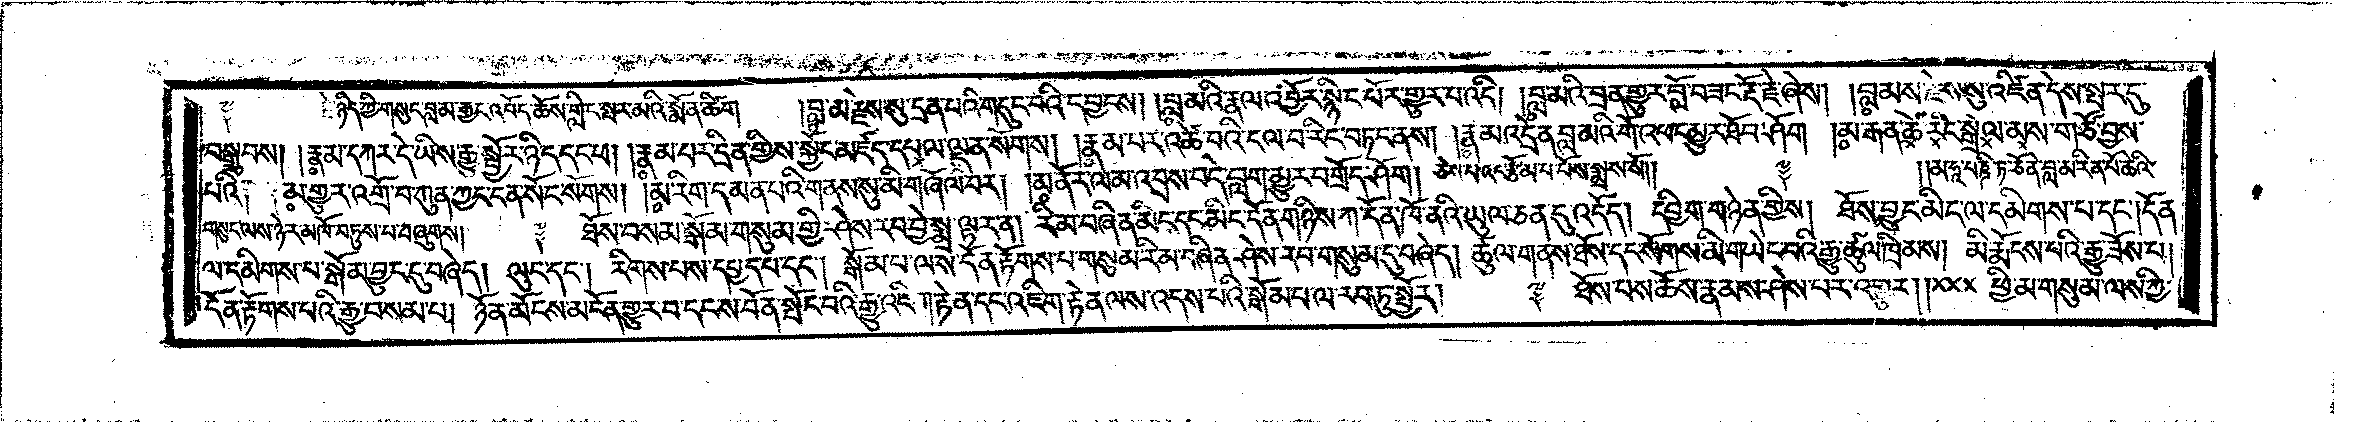༈ རྗེ་ཉིད་ཀྱི་གསུང་བླ་མ་རྒྱང་འབོད་ཆོས་གླིང་སྤར་མའི་སྨོན་ཚིག །བླ་མ་རྗེས་སུ་དྲན་པའི་གདུང་བའི་དབྱངས། །བླ་མའི་རྣལ་འབྱོར་སྙིང་པོར་གྱུར་པ་འདི། །བླ་མའི་བྲན་གྱུར་བློ་བཟང་རྡོ་རྗེ་ཞེས། །བླ་མས་རྗེས་སུ་འཛིན་དེས་སྤར་དུ་
བསྒྲུབས། །རྣམ་དཀར་དེ་ཡིས་རྒྱུ་སྦྱོར་ཉིད་དང་ཕ། །རྣམ་པར་དྲིན་གྱིས་སྐྱོང་མཛད་དཔལ་ལྡན་སོགས། །རྣམ་པར་འཚེ་བའི་ངལ་བ་རིང་བཏང་ནས། །རྣམ་འདྲེན་བླ་མའི་གོ་འཕང་མྱུར་ཐོབ་ཤོག །མ་རྒན་ཚེ་རིང་སྒྲེལ་མས་གཙོ་བྱས་
པའི༑ ༑མ་གྱུར་འགྲོ་བ་ཀུན་ཀྱང་ངན་སོང་སོགས། །མ་རིག་དམན་པའི་གནས་སུ་མི་གཞོལ་བར། །མ་ནོར་ལམ་འབྲས་བདེ་བླག་མྱུར་བགྲོད་ཤོག །ཅེས་པའང་རྩོམ་པ་པོས་སྨྲས་སོ།། ༈ །།མཧཱ་པཎྜི་ཏ་ཅོ་ནེ་བླ་མ་རིན་པོ་ཆེའི་
གསུང་ལས་ཉེར་མཁོ་བཏུས་པ་བཞུགས། ༈ ཐོས་བསམ་སྒོམ་གསུམ་གྱིས་ཤེས་རབ་བྱེ་སྨྲ་ལྟར་ན། རིམ་བཞིན་མིང་དང་མིང་དོན་གཉིས་ཀ་དོན་ཁོ་ནའི་ཡུལ་ཅན་དུ་འདོད། དབྱིག་གཉེན་གྱིས། ཐོས་བྱུང་མིང་ལ་དམིགས་པ་དང་། དོན་
ལ་དམིགས་པ་སྒོམ་བྱུང་དུ་བཞེད། ལུང་དང་། རིགས་པས་དཔྱད་པ་དང་། སྒོམ་པ་ལས་དོན་རྟོགས་པ་གསུམ་རིམ་བཞིན་ཤེས་རབ་གསུམ་དུ་བཞེད། ཚུལ་གནས་ཐོས་དང་སོགས་མི་གཡེང་བའི་རྒྱུ་ཚུལ་ཁྲིམས། མི་རྨོངས་པའི་རྒྱུ་ཟོས་པ།
དོན་རྟོགས་པའི་རྒྱུ་བསམ་པ། ཉོན་མོངས་མངོན་གྱུར་བ་དང་ས་བོན་སྤོང་པའི་རྒྱུ་འཇིག་རྟེན་དང་འཇིག་རྟེན་ལས་འདས་པའི་སྒོམ་པ་ལ་རབ་ཏུ་སྦྱོར། ༈ ཐོས་པས་ཆོས་རྣམས་ཤེས་པར་འགྱུར། །྾྾྾་ཕྱི་མ་གསུམ་ལས་ཀྱི་